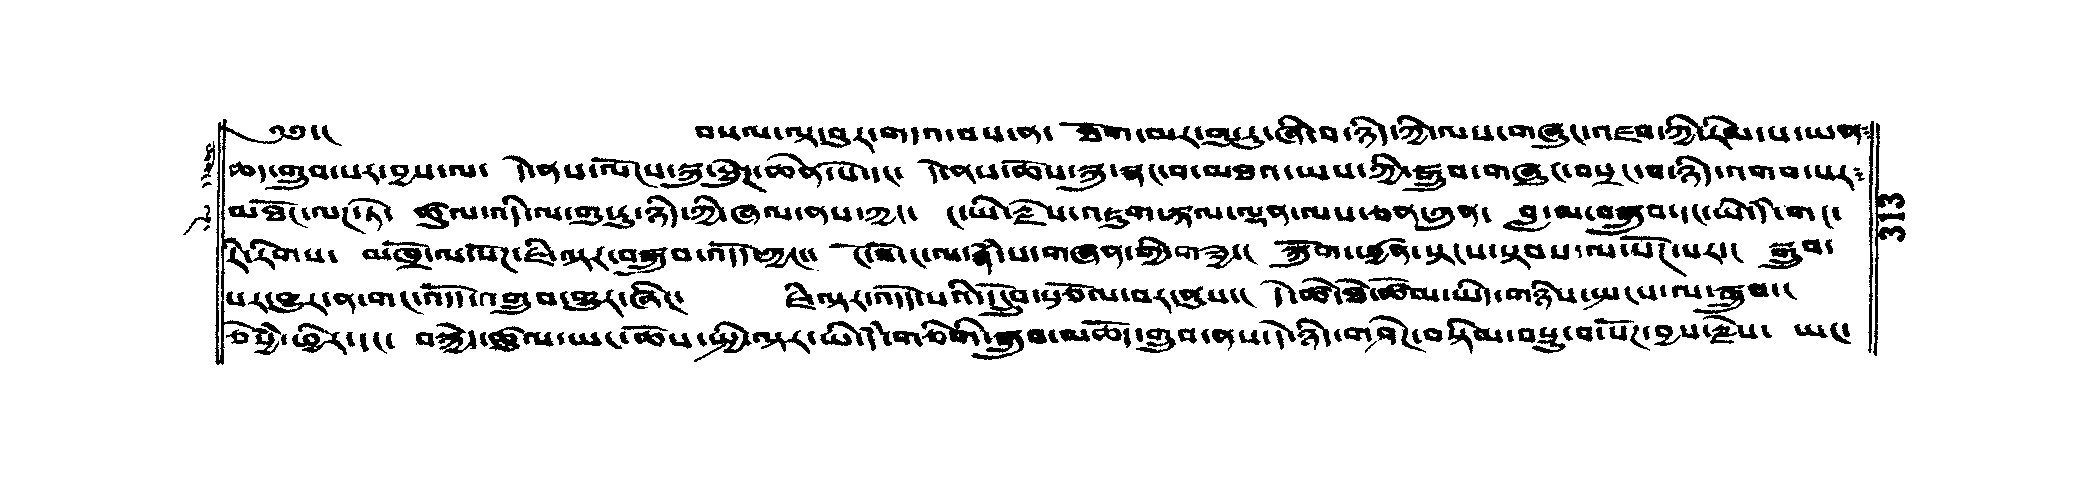བསལ་ལྟ་བུར་གདའ་བས་ན། ཐོག་མར་གུ་རུ་ཞི་བ་ཉིད་ཀྱི་ལས་གཞུང་འཛབ་ཀྱི་རིམ་པ་ཡན་
ཆད་སྒྲུབ་པར་བྱས་ལ།དེ་ནས་ལོངས་སྐུ་ཐུགས་རྗེ་ཆེན་པོ་དང་། དེ་ནས་ཆོས་སྐུ་སྣང་བ་མཐའ་ཡས་ཀྱི་སྒྲུབ་གཞུང་བསྲང་བ་ཉིད་འགབ་པར་
མཐོང་ལགས་ཏེ། ཚུལ་འདི་ལ་གུ་རུ་ཉིད་ཀྱི་ཞལ་ནས་ཀྱང་། ང་ཡི་རྗེས་འཇུག་སྐལ་ལྡན་ལས་ཅནཀུན། བླ་མ་བསྒྲུབ་དང་ཡི་དམ་གང་
རི་རིགས། མཁའ་འགྲོ་ལ་སོགས་ཇི་ལྟར་བསྒྲུབ་འདོད་ཀྱང་། ངོ་བོ་ང་ལ་རྣམ་པ་གཞན་གྱི་གཟུང་། སྐུ་མདོག་ཕྱག་མཚན་སྟངས་སྟབས་ལ་སོགས་པར། །སྒྲུབ་
པར་གྱུར་ན་གང་འདོད་འགྲུབ་གྱུར་ཞིང་། །ཇི་ལྟར་འདོད་པའི་དངོས་གྲུབ་རྩོལ་བར་ནུས། དེ་ཚེ་ཐེ་ཚོམ་ཡིད་གཉིས་སྤངས་ལ་སྒྲུབ། །
ཅེས་གསུངས་ཕྱིར་དང་། བསྐྱེད་ཚུལ་ཡང་ཆོས་སྤྱི་ལྟར་ཡི་དམ་གཅིག་གི་སྒྲུབ་མཆོད་གྲུབ་ནས་དེ་ཉིད་གཤེགས་བསྟིམ་བསྡུ་བ་སོགས་བྱས་རྗེས། ཡང་